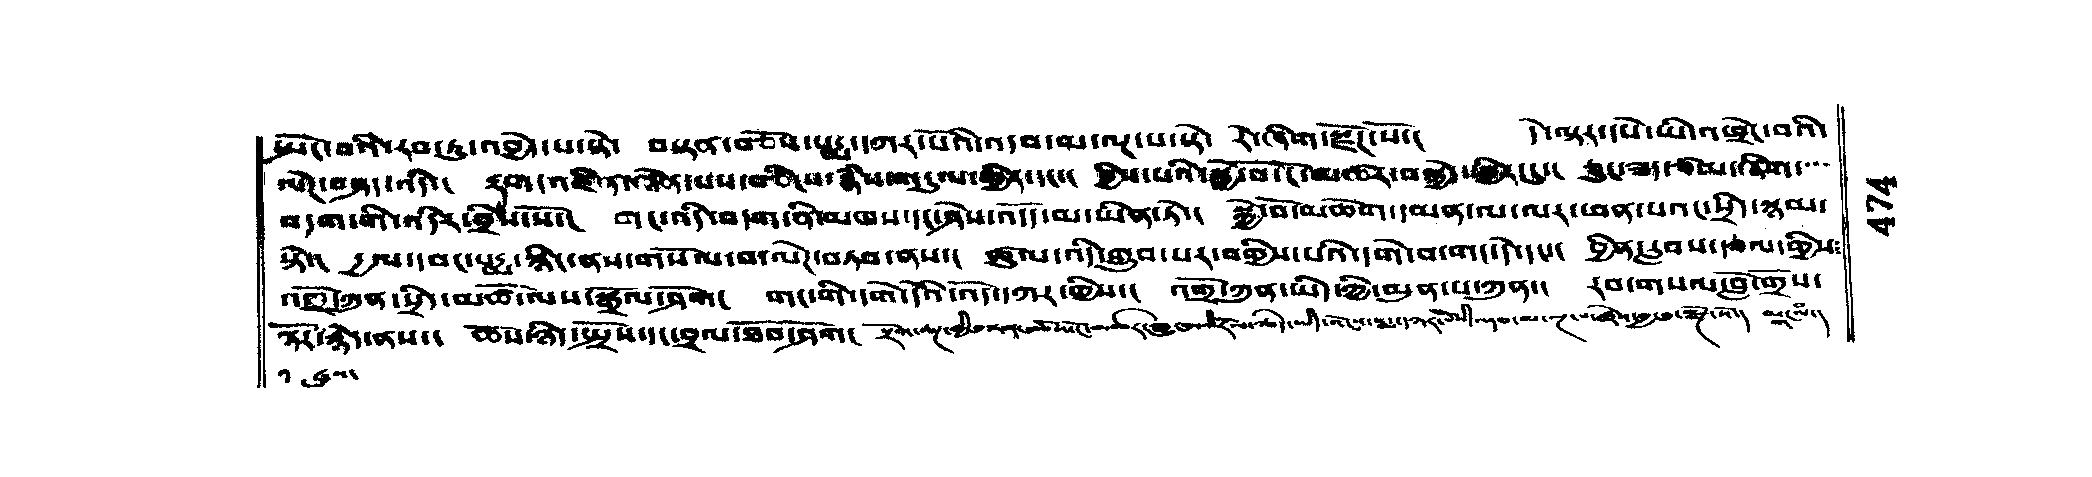སྤོང་བའི་རབ་ཏུ་འབྱེད་པ་སྟེ། བསྟན་བཅོས་པདྨ་དཀར་པོའི་འདབ་མ་ལྔ་པ་སྟེ་རེ་ཞིག་རྫོགས་སོ།། དེ་ལྟར་དཔེ་ཡི་འཕྲེང་བའི་
ལེགས་བཤད་འདི། །རྟག་འཛིན་ཞེན་པས་བཅིངས་རྣམས་གདུལ་ཕྱིར་དང་། །བྱིས་པའི་སྐྱེ་བོ་ངོ་མཚར་བསྐྱེད་ཕྱིར་དུ། །ཅུང་ཟད་ཙམ་ཞིག་
བདག་གི་འདིར་བྲིས་སོ། །གང་འདི་བདག་ནི་མཁས་དང་ཤེས་འདོད་མ་ཡིན་ཏེ། །སྐྱེ་བོ་མཆོག་དམན་ལ་ལར་ཕན་པའང་སྲིད་སྙམ་
སྟེ། །རྒྱལ་དབང་པདྨར་སྙིང་ནས་གསོལ་བ་ལེགས་བཏབ་ནས། །ཚུལ་འདི་གྲུབ་པར་བགྱིས་པའི་དགེ་བ་གང་དེ་དང་། །བྱིན་རླབས་རྩལ་གྱིས་
འགྲོ་ཀུན་སྲིད་མཚོ་ལས་སྒྲོལ་ཤོག །གང་གི་དགེ་དེའི་འོད་དཀར་གྱིས། །འགྲོ་ཀུན་ཡིད་ཀྱི་མུན་པ་ཀུན། །རབ་གསལ་བློ་གྲོས་
ནོར་རྙེད་ནས། །ཆོས་ཉིད་སྤྲོས་དང་བྲལ་ཐོབ་ཤོག སྲོག་ཆགས་ཀི་བསྟན་བཅོས་ངོ་མཚར་སྒྱུ་མའི་རོལ་རྩེད་ཡིད་འོང་པདྨ་དཀར་པོའི་འདབ་མ་ལྔ་པ་ཞེས་བྱ་བ་རྫོགས་སོ།། མངྒ་ལཾ།།